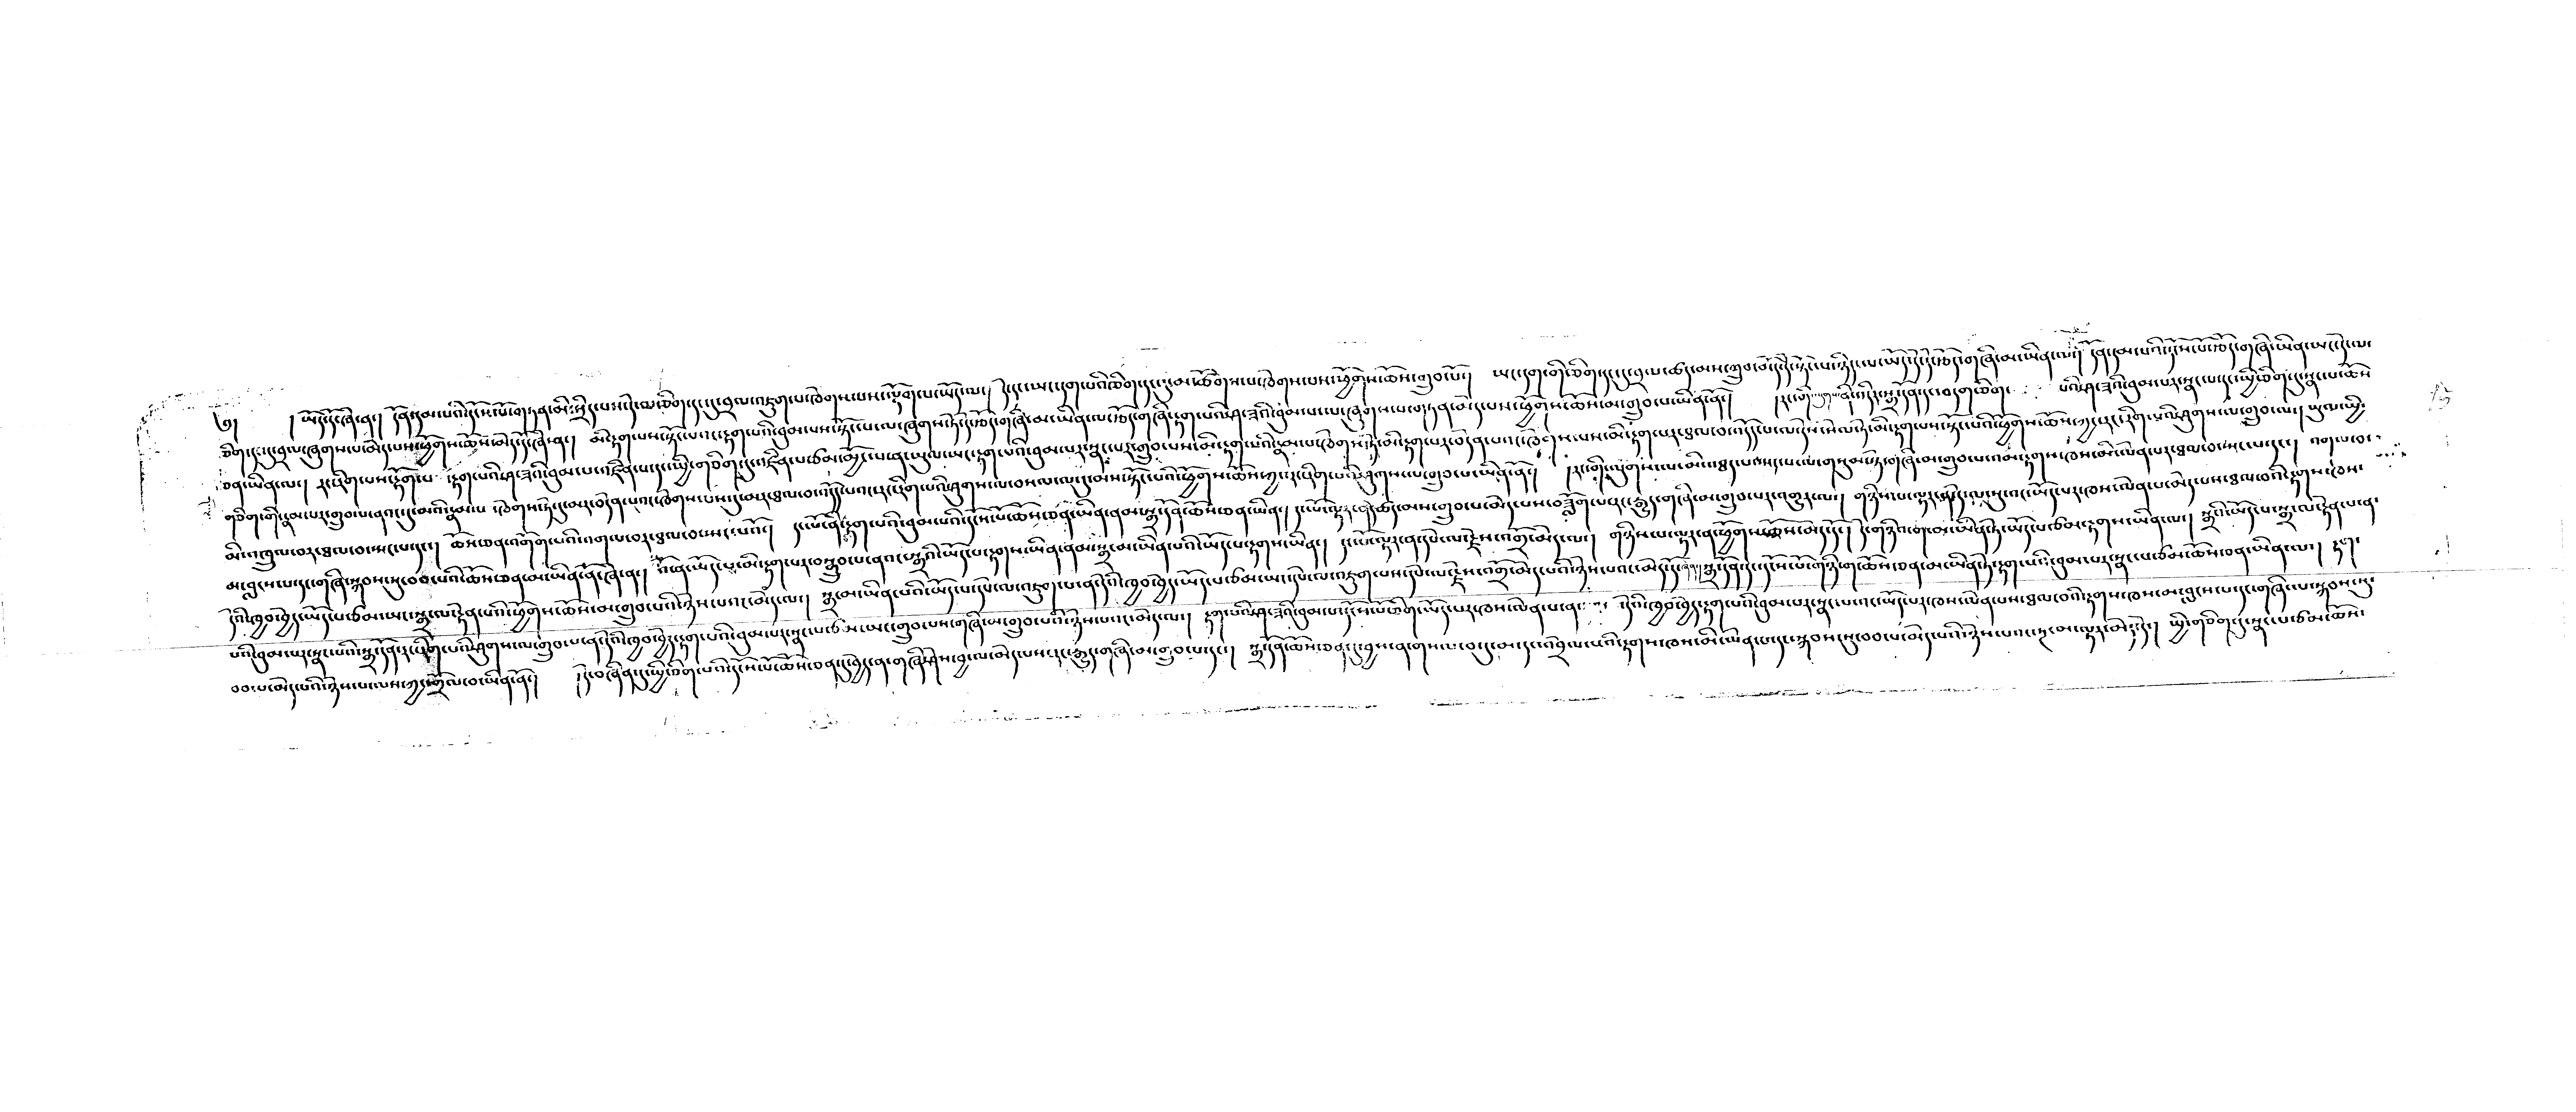༈། །ཡོད་དོ་ཞེ་ན། དོན་དམ་པའི་དངོས་པོ་གཏན་མི་སྲིད་པས་དེ་མ་ཅིག་དང་དུ་བྲལ་འཇུག་པ་ཁེགས་པས་ལྡོག་པ་ཡོད་ལ། དེ་དང་ཡང་དག་པའི་ཅིག་དང་དུ་མ་ཚོགས་པ་ཁེགས་པས་ཕྱོགས་ཆོས་གྲུབ་པོ། ཡང་དག་གི་ཅིག་དང་དུ་བྲལ་ཚད་མས་གྲུབ་མོད་དེ་སྟོང་པ་ཉིད་ལ་ཡོད་དེ་དེ་རྩོད་གཞི་མ་ཡིན་ལ། དོན་དམ་པའི་དངོས་པོ་རྩོད་གཞི་ཡིན་ཡང་དེ་ལ་
ཅིག་དང་དུ་བྲལ་ཞུགས་པ་མེད་པས་ཕྱོགས་ཆོས་མེད་དོ་ཞེ་ན། མི་རྟག་པས་སྟོང་པའང་རྟག་པའི་བུམ་པས་སྟོང་པ་ལ་ཞུགས་ཏེ་དེ་རྩོད་གཞི་མ་ཡིན་ལ་རྩོད་གཞི་རྟག་པའི་ཤ་ཟའི་བུམ་པ་ལ་ཞུགས་པ་གཏན་མེད་པས་ཕྱོགས་ཆོས་མ་གྲུབ་པ་ཡིན་ནོ། །རང་གི་ལུགས?་ནི་འདིར་སྒྲ་དོན་དང་བདག་ཅིག་པའི་ཤ་ཟའི་བུམ་པར་སྣང་པ་དང་སྤྱི་ཅིག་དུ་སྣང་པ་ཆོས་
ཅན་ཡིན་ལ། རང་རིག་པས་རྟོག་པ་རྟག་པའི་ཤ་ཟའི་བུམ་པ་འཛིན་པ་དང་སྤྱི་གཅིག་དུ་འཛིན་པ་ཙམ་མྱོང་པ་ན་ཡུལ་ཡང་རྟག་པའི་བུམ་པར་སྣང་པར་གྲུབ་པས་མི་རྟག་པའི་རྣམ་པ་ཁེགས་ཏེ་མི་རྟག་པར་བདེན་པའང་ཁེགས་པས་མི་རྟག་པར་ཐལ་བ་འདོད་པ་ལ་དེས་སེལ་ཏེ་མི་རྟག་པས་སྟོང་པའི་ཕྱོགས་ཆོས་ཀྱང་རང་རིག་པའི་ཤུགས་ལ་གྲུབ་ལ། ཡུལ་སྤྱི་
གཅིག་གི་རྣམ་པར་གྲུབ་པ་ནའང་དུ་མའི་རྣམ་པ་ཁེགས་ཏེ་དུ་མར་བདེན་པའང་ཁེགས་པས་དུ་མར་ཐལ་བ་འདོད་པའང་རང་རིག་པའི་ཤུགས་ལ་བསལ་ལ་དུ་མས་སྟོང་པའི་ཕྱོགས་ཆོས་ཀྱང་རང་རིག་པའི་ཤུགས་ལ་གྲུབ་པ་ཡིན་ནོ། །རང་གི་ལུགས་ལ་མི་འཐད་པ་བསད་པ་ལ་གསུམ་ཏེ་གཞི་མ་གྲུབ་པ་འམ་རྟགས་ཁས་མི་ལེན་པར་ཐལ་བ་སྤང་པ་དང་། འགལ་བ་
མི་འཁྲུལ་བར་ཐལ་བ་སྤང་པ་དང་། ཆོས་ཅན་འགོག་པའི་འགལ་བར་ཐལ་བ་སྤང་པའོ། དང་པོ་ནི་རྟག་པའི་བུམ་པའི་དངོས་པོ་ཆོས་ཅན་ཡིན་ནམ་སྒྲ་དོན་ཆོས་ཅན་ཡིན། དང་པོ་ལྟར་ན་ཚད་མས་གྲུབ་པ་མེད་པས་བཟློག་པ་རང་རྒྱུད་གཞི་མ་གྲུབ་པར་འགྱུར་ལ། གཉིས་པ་ལྟར་མེད་ལ་སུ་འང་ཡོད་པར་ཁས་ལེན་པ་མེད་པས་ཐལ་བའི་རྟགས་ཁས་
མ་བླངས་པ་དང་གཞི་སྐབས་སུ་བབ་པའི་ཆོས་ཅན་མ་ཡིན་ནོ་ཞེ་ན། འོ་ན་ཡོད་པ་མི་རྟག་པར་བསྒྲུབ་པ་ནའང་སྒྲའི་ཡོད་པ་རྟགས་ཡིན་ནམ་སྒྲ་མ་ཡིན་པའི་ཡོད་པ་རྟགས་ཡིན། དང་པོ་ལྟར་ན་དཔེ་ལ་རྗེས་འགྲོ་མེད་ལ། གཉིས་པ་ལྟར་ན་ཕྱོགས་ཆོས་མེད་དོ། དེ་གཉིའ་ག་མ་ཡིན་ཏེ་ཡོད་པ་ཙམ་རྟགས་ཡིན་ལ། སྒྲའི་ཡོད་པ་སྒྲ་ལ་རྟེན་པ་ན་
དེའི་ཁྱབ་བྱེད་ཡོད་པ་ཙམ་ཡང་སྒྲ་ལ་རྟེན་པའི་ཕྱོགས་ཆོས་མ་གྲུབ་པའི་ཉེས་པའང་མེད་ལ། སྒྲ་མ་ཡིན་པའི་ཡོད་པ་དཔེ་ལ་འཇུག་པ་ན་དེའི་ཁྱབ་བྱེད་ཡོད་པ་ཙམ་ཡང་དཔེ་ལ་འཇུག་པས་དཔེ་ལ་རྗེས་འགྲོ་མེད་པའི་ཉེས་པའང་མེད་དོ་ཞེ་ན། སྒྲ་དོན་དང་དངོས་པོ་གཉི་ག་ཆོས་ཅན་མ་ཡིན་ཏེ་རྟག་པའི་བུམ་པར་སྣང་པ་ཙམ་ཆོས་ཅན་ཡིན་ལ། རྟག་
པའི་བུམ་པར་སྣང་པའི་སྒྲ་དོན་རང་རིག་པའི་ཤུགས་ལ་གྲུབ་པ་ན་དེའི་ཁྱབ་བྱེད་རྟག་པའི་བུམ་པར་སྣང་པ་ཙམ་ཡང་གྲུབ་པས་གཞི་མ་གྲུབ་པའི་ཉེས་པའང་མེད་ལ། རྟག་པའི་ཤ་ཟའི་བུམ་པ་དངོས་པོ་ཅིག་ཡོད་པར་ཁས་ལེན་པ་ན་དེའི་ཁྱབ་བྱེད་རྟག་པའི་བུམ་པར་སྣང་པ་འང་ཡོད་པར་ཁས་ལེན་པས་ཐལ་བའི་རྟགས་ཁས་མ་བླངས་པ་དང་གཞིའ་པ་སྐབས་སུ་
བབ་པ་མེད་པའི་ཉེས་པ་ལས་ཀྱང་གྲོལ་བ་ཡིན་ནོ། །དེ་བཞིན་དུ་སྤྱི་ཅིག་པའི་དངོས་པོ་ཆོས་ཅན་དུ་བྱེད་ན་གཞི་ཤེས་བྱ་ལ་མེད་པས་དང?་རྒྱུད་གཞི་མ་གྲུབ་པ་དང་། སྒྲ་དོན་ཆོས་ཅན་དུ་བྱས་ན་གསལ་བ་དུ་མ་དང་འབྲེལ་པའི་རྟགས་ཁས་མི་ལེན་པ་དང་སྐབས་སུ་བབ་པ་མེད་པའི་ཉེས་པའང་སྔ་མ་ལྟར་མེད་དེ། སྤྱི་གཅིག་དུ་སྣང་པ་ཙམ་ཆོས་